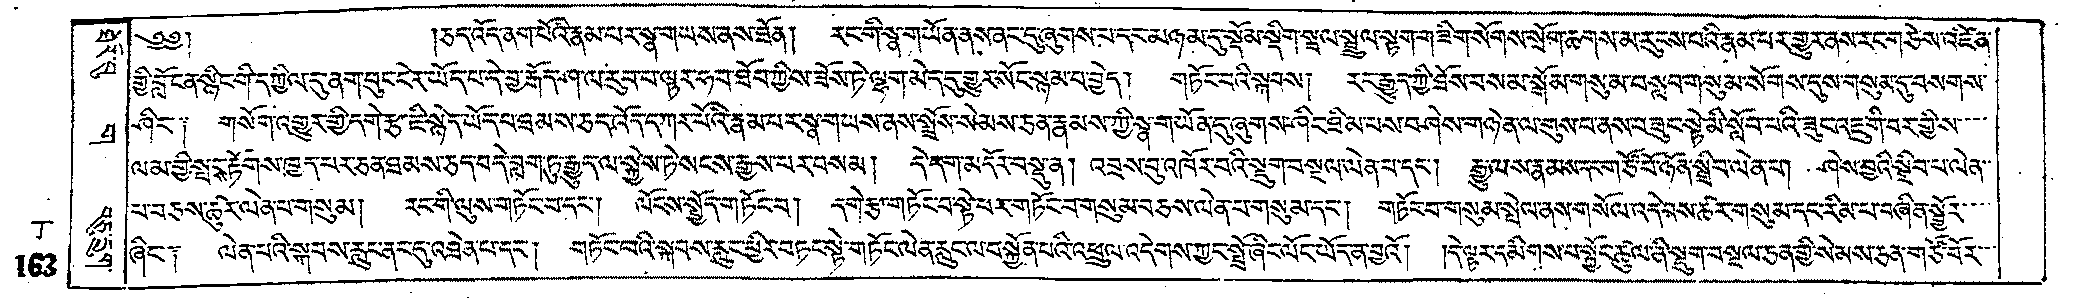༄༅། །ཅད་འོད་ནག་པོའི་རྣམ་པར་སྣ་གཡས་ནས་ཐོན། རང་གི་སྣ་གཡོན་ནས་ནང་དུ་ཞུགས་པ་དང་མཉམ་དུ་སྡོམ་སྡིག་སྦལ་སྦྲུལ་སྟག་གཟིག་སོགས་སྲོག་ཆགས་མ་རུངས་པའི་རྣམ་པར་གྱུར་ནས་རང་གཅེས་འཛིན་
གྱི་བློ་ངན་སྙིང་གི་དཀྱིལ་དུ་ནག་ཕུང་ངེར་ཡོད་པ་དེ་བྱ་རྒོད་ཤ་ལ་རུབ་པ་ལྟར་ཧབ་ཐོབ་ཀྱིས་ཟོས་ཏེ་ལྷག་མེད་དུ་གྱུར་སོང་སྙམ་པ་བྱེད། གཏོང་བའི་སྐབས། རང་རྒྱུད་ཀྱི་ཐོས་བསམ་སྒོམ་གསུམ་བསླབ་གསུམ་སོགས་དུས་གསུམ་དུ་བསགས་
ཤིང༑ གསོག་འགྱུར་གྱི་དགེ་རྩ་ཇི་སྙེད་ཡོད་པ་ཐམས་ཅད་འོད་དཀར་པོའི་རྣམ་པར་སྣ་གཡས་ནས་སྤྲོས་སེམས་ཅན་རྣམས་ཀྱི་སྣ་གཡོན་དུ་ཞུགས་ཤིང་ཐིམ་པས་བཤེས་གཉེན་ལ་གུས་པ་ནས་བཟུང་སྟེ་མི་སློབ་པའི་ཟུང་འཇུ་གི་བར་གྱི་ས་་་
ལམ་གྱི་སྤང་རྟོགས་ཁྱད་པར་ཅན་ཐམས་ཅད་བདེ་བླག་ཏུ་རྒྱུད་ལ་སྐྱེས་ཏེ་སངས་རྒྱས་པར་བསམ། དེ་དག་མདོར་བསྡུ་ན། འབྲས་བུ་འཁོར་བའི་སྡུག་བསྔལ་ལེན་པ་དང་། རྒྱུ་ལས་རྣམས་དང་གཙོ་བོ་ཉོན་སྒྲིབ་ལེན་པ། ཤེས་བྱའི་སྒྲིབ་པ་ལེན་་་
པ་བཅས་ཚུར་ལེན་པ་གསུམ། རང་གི་ལུས་གཏོང་བ་དང་། ལོངས་སྤྱོད་གཏོང་བ། དགེ་རྩ་གཏོང་བ་སྟེ་ཕར་གཏོང་བ་གསུམ་བཅས་ལེན་པ་གསུམ་དང་། གཏོང་བ་གསུམ་སྤེལ་ནས་གསོལ་འདེབས་ཚར་གསུམ་དང་རིམ་པ་བཞིན་སྦྱོར་་་
ཞིང༑ ལེན་པའི་སྐབས་རླུང་ནང་དུ་འཐེན་པ་དང་། གཏོང་བའི་སྐབས་རླུང་ཕྱིར་བཏང་སྟེ་གཏོང་ལེན་རླུང་ལ་བསྐྱོན་པའི་འཕྲུལ་འདེགས་ཀྱང་སྤྲོ་ཞིང་ལོང་ཡོད་ན་བྱའོ། །དེ་ལྟར་དམིགས་པ་སྐྱོང་ཚུལ་ནི་སྡུག་བསྔལ་ཅན་གྱི་སེམས་ཅན་གཙོ་བོར་་་